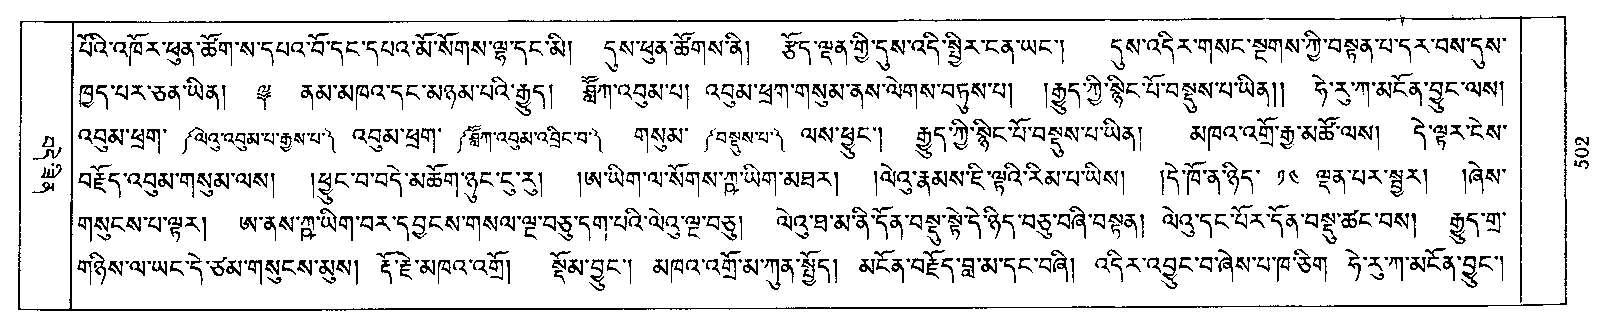པོའི་འཁོར་ཕུན་ཚོག་ས་དཔའ་བོ་དང་དཔའ་མོ་སོགས་ལྷ་དང་མི། དུས་ཕུན་ཚོགས་ནི། རྩོད་ལྡན་གྱི་དུས་འདི་སྤྱིར་ངན་ཡང་། དུས་འདིར་གསང་སྔགས་ཀྱི་བསྟན་པ་དར་བས་དུས་
ཁྱད་པར་ཅན་ཡིན། ༈ ནམ་མཁའ་དང་མཉམ་པའི་རྒྱུད། ཤླཽ་ཀ་འབུམ་པ། འབུམ་ཕྲག་གསུམ་ནས་ལེགས་བཏུས་པ། །རྒྱུད་ཀྱི་སྙིང་པོ་བསྡུས་པ་ཡིན།། ཧེ་རུ་ཀ་མངོན་བྱུང་ལས།
འབུམ་ཕྲག ༼ལེའུ་འབུམ་པ་རྒྱས་པ྄་འབུམ་ཕྲག་༽ཤླཽ་ཀ་འབུམ་འབྲིང་བ྄་གསུམ་བསྡུས་པ྄་ལས་ཕྱུང་། རྒྱུད་ཀྱི་སྙིང་པོ་བསྡུས་པ་ཡིན། མཁའ་འགྲོ་རྒྱ་མཚོ་ལས། དེ་ལྟར་ངེས་
བརྗོད་འབུམ་གསུམ་ལས། །ཕྱུང་བ་བདེ་མཆོག་ཉུང་ངུ་རུ། །ཨ་ཡིག་ལ་སོགས་ཀྵ་ཡིག་མཐར། །ལེའུ་རྣམས་ཇི་ལྟའི་རིམ་པ་ཡིས། །དེ་ཁོ་ན་ཉིད ༡༤་ལྡན་པར་སྦྱར། །ཞེས་
གསུངས་པ་ལྟར། ཨ་ནས་ཀྵ་ཡིག་བར་དབྱངས་གསལ་ལྔ་བཅུ་དག་པའི་ལེའུ་ལྔ་བཅུ། ལེའུ་ཐ་མ་ནི་དོན་བསྡུ་སྟེ་དེ་ཉིད་བཅུ་བཞི་བསྟན། ལེའུ་དང་པོར་དོན་བསྡུ་ཚང་བས། རྒྱུད་གྲ་
གཉིས་ལ་ཡང་དེ་ཙམ་གསུངས་མུས། རྡོ་རྗེ་མཁའ་འགྲོ། སྡོམ་བྱུང་། མཁའ་འགྲོ་མ་ཀུན་སྤྱོད། མངོན་བརྗོད་བླ་མ་དང་བཞི། འདིར་འབྱུང་བ་ཞེས་པ་ཁ་ཅིག་ཧེ་རུ་ཀ་མངོན་བྱུང་།